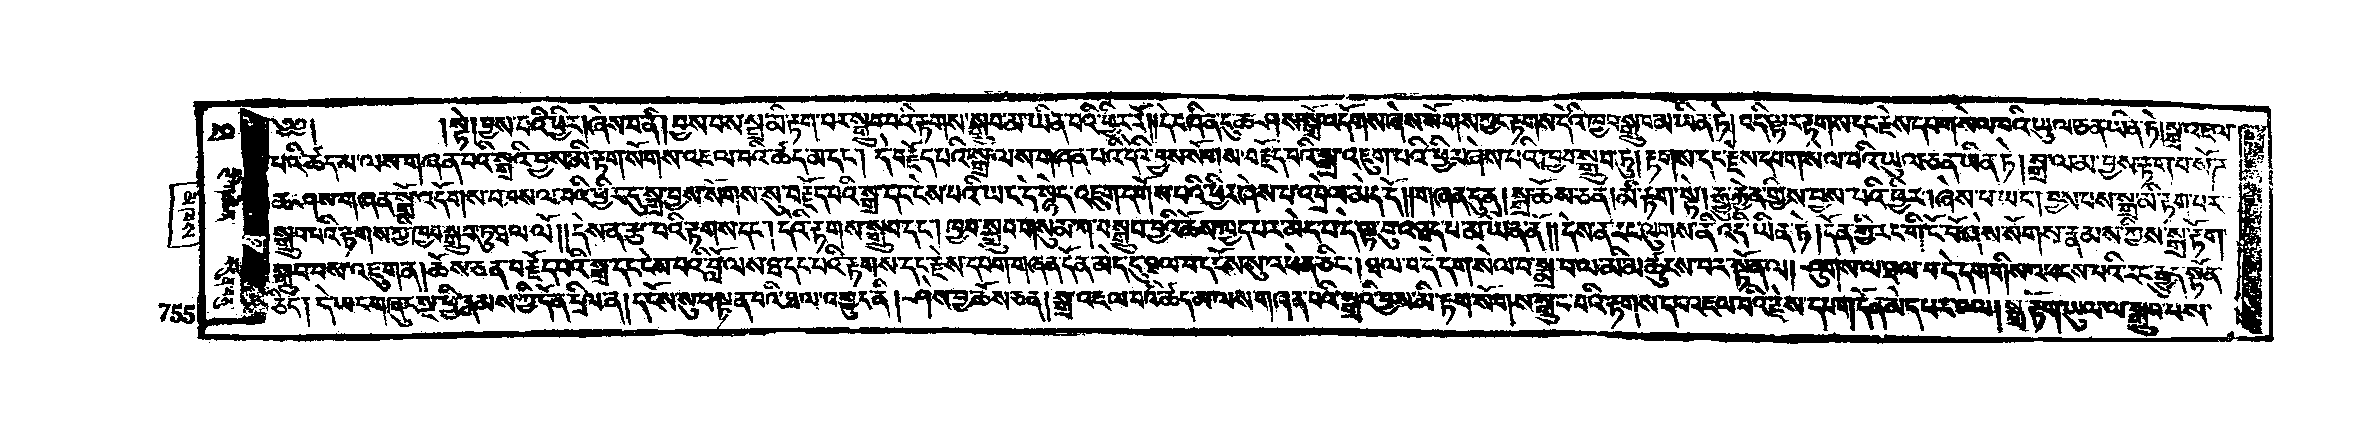༄༅། །སྟེ། བྱས་པའི་ཕྱིར། ཞེས་པ་ནི། བྱས་པས་སྒྲ་མི་རྟག་པར་སྒྲུབ་པའི་རྟགས་སྒྲུབ་མ་ཡིན་པའི་ཕྱིར་རོ། །དེ་བཞིན་དུ་ཆ་ཤས་སྒྲོ་འདོགས་ཞེས་སོགས་ཀྱང་རྟགས་དེའི་ཁྱབ་སྒྲུབ་མ་ཡིན་ཏེ། འདི་ལྟར་རྟགས་དང་རྗེས་དཔག་སེལ་བའི་ཡུལ་ཅན་ཡིན་ཏེ། སྒྲ་འཇལ་
པའི་ཚད་མ་ལས་གཞན་པའི་སྒྲའི་བྱས་མི་རྟག་སོགས་འཇལ་བའི་ཚད་མ་དང་། དེ་བརྗོད་པའི་སྒྲ་ལས་གཞན་པའི་དེའི་བྱས་སོགས་བརྗོད་པའི་སྒྲ་འཇུག་པའི་ཕྱིར་ཞེས་པའི་ཁྱབ་སྒྲུབ་ཏུ། རྟགས་དང་རྗེས་དཔག་སེལ་བའི་ཡུལ་ཅན་ཡིན་ཏེ། སྒྲ་ལ་མ་བྱས་རྟག་པ་སོགས་
ཆ་ཤས་གཞན་སྒྲོ་འདོགས་པ་བསལ་བའི་ཕྱིར་དུ་སྒྲ་བྱས་སོགས་སུ་བརྗོད་པའི་སྒྲ་དང་ངེས་པའི་ཡང་དེ་སྙེད་འཇུག་དགོས་པའི་ཕྱིར་ཞེས་པ་འབྲེལ་མེད་དོ། །གཞན་དུ་ན། སྒྲ་ཆོས་ཅན། མི་རྟག་སྟེ། རྒྱུ་རྐྱེན་གྱིས་བྱས་པའི་ཕྱིར། ཞེས་པ་ཡང་། བྱས་པས་སྒྲ་མི་རྟག་པར་
སྒྲུབ་པའི་རྟགས་ཀྱི་ཁྱབ་སྒྲུབ་ཏུ་ཐལ་ལོ། །དེས་ན་རྩ་བའི་རྟགས་དང་། དེའི་རྟགས་སྒྲུབ་དང་། ཁྱབ་སྒྲུབ་གསུམ་ཀ་བསྒྲུབ་བྱའི་ཆོས་ཁྱད་པར་མེད་པ་དེ་ལྟ་བུ་འཐད་པ་མ་ཡིན་ནོ། །དེས་ན་རང་ལུགས་ནི་འདི་ཡིན་ཏེ། དོན་གྱི་རང་གི་ངོ་བོ་ཞེས་སོགས་རྣམས་ཀྱིས་སྒྲ་རྟོག་
སྒྲུབ་བས་འཇུག་ན། ཆོས་ཅན་བརྗོད་པའི་སྒྲ་དང་ངེས་པའི་བློ་ལས་ཐ་དད་པའི་རྟགས་དང་རྗེས་དཔག་གཞན་དོན་མེད་དུ་ཐལ་བ་དངོས་སུ་འཕེན་ཅིང་། ཐལ་བ་དེ་དག་སེལ་བ་སྨྲ་བ་ལ་མི་མཚུངས་པར་སྟོན་ལ། ཤུགས་ལ་ཐལ་བ་དེ་དག་གིས་འཕངས་པའི་རང་རྒྱུད་སྟོན་
ཅིང་། དེ་ཡང་གཞུང་སྔ་ཕྱི་རྣམས་ཀྱི་དོན་དྲིལ་ན། དངོས་སུ་བསྟན་པའི་ཐལ་འགྱུར་ནི། ཤེས་བྱ་ཆོས་ཅན། སྒྲ་འཇལ་བའི་ཚད་མ་ལས་གཞན་པའི་སྒྲའི་བྱས་མི་རྟག་སོགས་སྒྲུབ་པའི་རྟགས་དང་འཇལ་བའི་རྗེས་དཔག་དོན་མེད་པར་ཐལ། སྒྲ་རྟོག་ཡུལ་ལ་སྒྲུབ་པས་